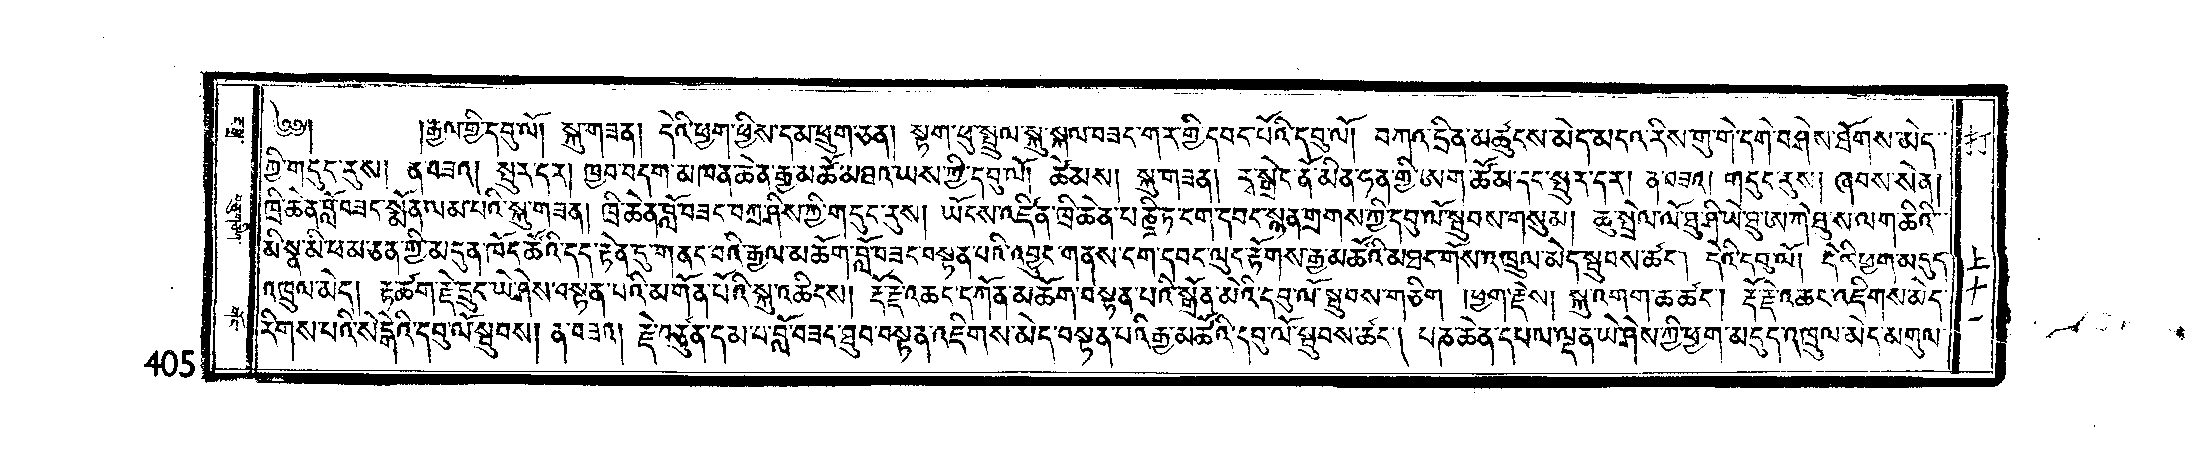༄༅། །རྒྱལ་གྱི་དབུ་ལོ། སྐུ་གཟན། དེའི་ཕྱག་ཕྱིས་དམ་ཕྲུག་ཅན། སྟག་ཕུ་སྤྲུལ་སྐུ་སྐལ་བཟང་གར་གྱི་དབང་པོའི་དབུ་ལོ། བཀའ་དྲིན་མཚུངས་མེད་མངའ་རིས་གུ་གེ་དགེ་བཤེས་ཐོགས་མེད་
ཀྱི་གདུང་རུས། ན་བཟའ། སྤུར་དར། ཁྱབ་བདག་མཁན་ཆེན་རྒྱ་མཚོ་མཐའ་ཡས་ཀྱི་དབུ་ལོ། ཚེམས། སྐུ་གཟན། རྭ་སྒྲེང་ནོ་མིན་ཧན་གྱི་ཨག་ཚོམ་དང་སྤུར་དར། ན་བཟའ། གདུང་རུས། ཞབས་སེན།
ཁྲི་ཆེན་བློ་བཟང་སྨོན་ལམ་པའི་སྐུ་གཟན། ཁྲི་ཆེན་བློ་བཟང་བཀྲ་ཤིས་ཀྱི་གདུང་རུས། ཡོངས་འཛིན་ཁྲི་ཆེན་པཎྜི་ཏ་ངག་དབང་སྙན་གྲགས་ཀྱི་དབུ་ལོ་སྦུབས་གསུམ། ཆུ་སྤྲེལ་ལོ་ཐུ་ཤི་ཡེ་ཐུ་ཨ་ཀེ་ཐུ་ས་ལག་ཆིའི་
མི་སྣ་མི་ཕམ་ཅན་གྱི་མདུན་ཁོང་ཚོའི་དད་རྟེན་དུ་གནང་བའི་རྒྱལ་མཆོག་བློ་བཟང་བསྟན་པའི་འབྱུང་གནས་ངག་དབང་ལུང་རྟོགས་རྒྱ་མཚོའི་མཐང་གོས་འཁྲུལ་མེད་སྦུབས་ཚང་། དེའི་དབུ་ལོ། དེའི་ཕྱག་མདུད་
འཁྲུལ་མེད། རྟ་ཚག་རྗེ་དྲུང་ཡེ་ཤེས་བསྟན་པའི་མགོན་པོའི་སྐུ་འཆིངས། རྡོ་རྗེ་འཆང་དཀོན་མཆོག་བསྟན་པའི་སྒྲོན་མེའི་དབུ་ལོ་སྦུབས་གཅིག །ཕྱག་རྗེས། སྐུ་འགག་ཆ་ཚང་། རྡོ་རྗེ་འཆང་འཇིགས་མེད་
རིགས་པའི་སེངྒེའི་དབུ་ལོ་སྦུབས། ན་བཟའ། རྗེ་བཙུན་དམ་པ་བློ་བཟང་ཐུབ་བསྟན་འཇིགས་མེད་བསྟན་པའི་རྒྱ་མཚོའི་དབུ་ལོ་སྦུབས་ཚང་། པཎ་ཆེན་དཔལ་ལྡན་ཡེ་ཤེས་ཀྱི་ཕྱག་མདུད་འཁྲུལ་མེད་མགུལ་